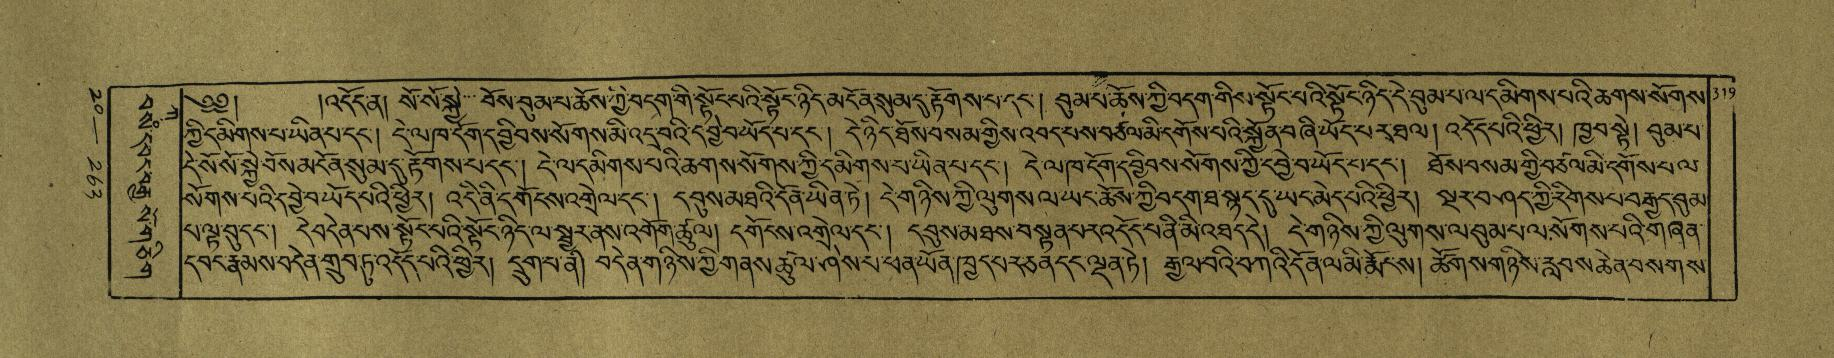༄༅། །འདོད་ན། སོ་སོ་སྐྱེ་བོས་བུམ་པ་ཆོས་ཀྱི་བདག་གི་སྟོང་པའི་སྟོང་ཉིད་མངོན་སུམ་དུ་རྟོགས་པ་དང་། བུམ་པ་ཆོས་ཀྱི་བདག་གིས་སྟོང་པའི་སྟོང་ཉིད་དེ་བུམ་པ་ལ་དམིགས་པའི་ཆགས་སོགས་
ཀྱི་དམིགས་པ་ཡིན་པ་དང་། དེ་ལ་ཁ་དོག་དབྱིབས་སོགས་མི་འདྲ་བའི་དབྱེ་བ་ཡོད་པ་དང་། དེ་ཉིད་ཐོས་བསམ་གྱིས་འབད་པས་བཙལ་མི་དགོས་པའི་སྐྱོན་བཞི་ཡོད་པར་ཐལ། འདོད་པའི་ཕྱིར། ཁྱབ་སྟེ། བུམ་པ་
དེ་སོ་སོ་སྐྱེ་བོས་མངོན་སུམ་དུ་རྟོགས་པ་དང་། དེ་ལ་དམིགས་པའི་ཆགས་སོགས་ཀྱི་དམིགས་པ་ཡིན་པ་དང་། དེ་ལ་ཁ་དོག་དབྱིབས་སོགས་ཀྱི་དབྱེ་བ་ཡོད་པ་དང་། ཐོས་བསམ་གྱི་བཙལ་མི་དགོས་པ་ལ་
སོགས་པའི་དབྱེ་བ་ཡོད་པའི་ཕྱིར། འདི་ནི་དགོངས་འགྲེལ་དང་། དབུས་མཐའི་དོན་ཡིན་ཏེ། དེ་གཉིས་ཀྱི་ལུགས་ལ་ཡང་ཆོས་ཀྱི་བདག་ཐ་སྙད་དུ་ཡང་མེད་པའི་ཕྱིར། སྔར་བཤད་ཀྱི་རིགས་པ་བརྒྱད་བུམ་
པ་ལྟ་བུ་དང་། དེ་བདེན་པས་སྟོང་པའི་སྟོང་ཉིད་ལ་སྦྱར་ནས་འགོག་ཚུལ། དགོངས་འགྲེལ་དང་། དབུས་མཐས་བསྟན་པར་འདོད་པ་ནི་མི་འཐད་དེ། དེ་གཉིས་ཀྱི་ལུགས་ལ་བུམ་པ་ལ་སོགས་པའི་གཞན་
དབང་རྣམས་བདེན་གྲུབ་ཏུ་འདོད་པའི་ཕྱིར། དྲུག་པ་ནི། བདེན་གཉིས་ཀྱི་གནས་ཚུལ་ཤེས་པ་ཕན་ཡོན་ཁྱད་པར་ཅན་དང་ལྡན་ཏེ། རྒྱལ་བའི་བཀའི་དོན་ལ་མི་རྨོངས། ཚོགས་གཉིས་རླབས་ཆེན་བསགས་